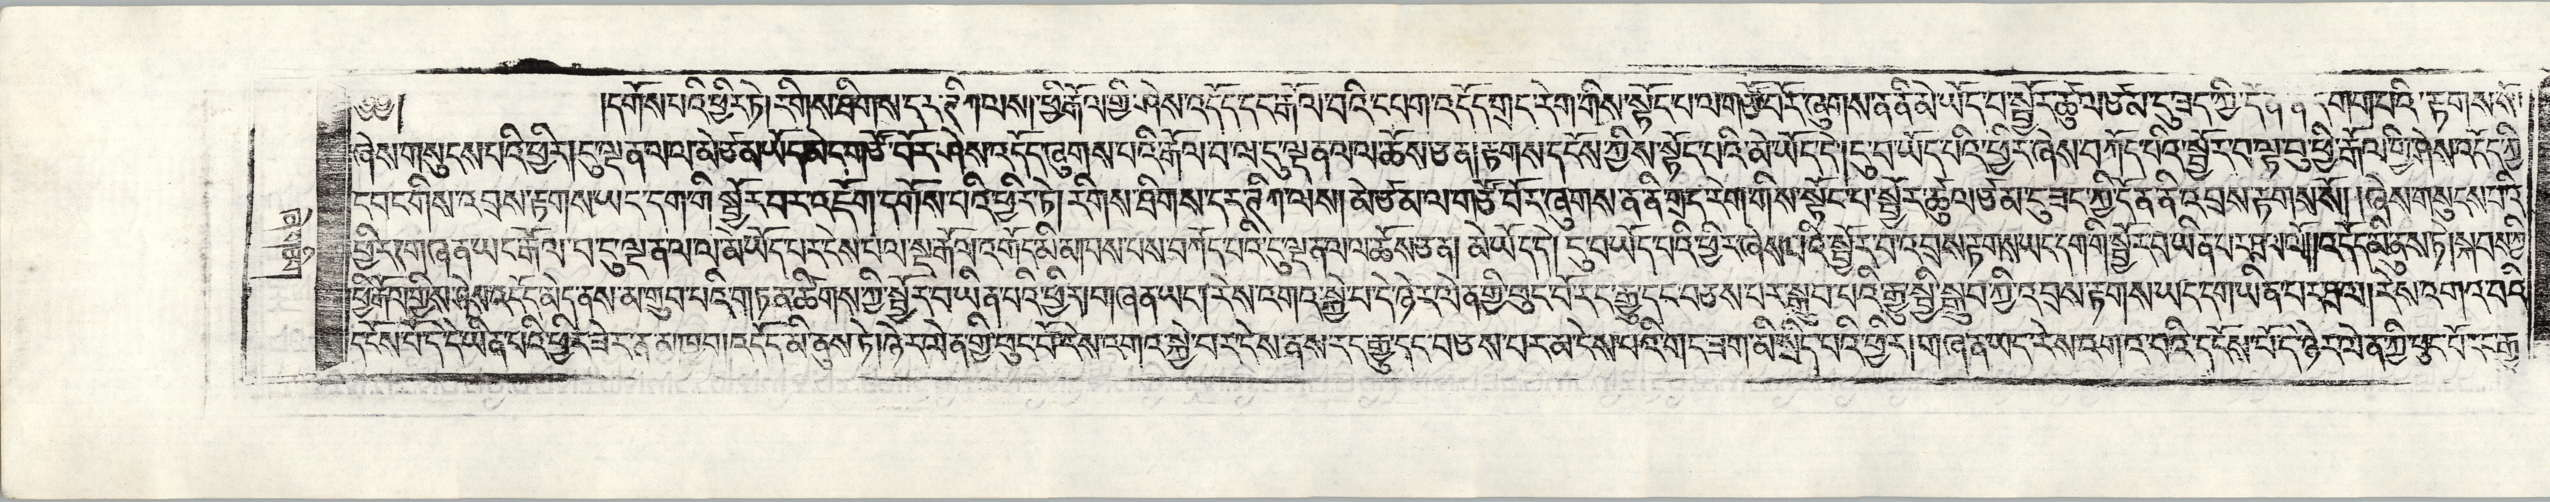༄༅། །དགོས་པའི་ཕྱིར་ཏེ། རིགས་ཐིགས་དར་ཊིཀ་ལས། ཕྱི་རྒོལ་གྱི་ཤེས་འདོད་དང་རྒོལ་བའི་དཔག་འདོད་གྲང་རེག་གིས་སྟོང་བ་ལ་གཙོ་བོར་ཞུགས་ན་ནི་མེ་ཡོད་པ་སྦྱོར་ཚུལ་ཙམ་དུ་ཟད་ཀྱི་དོན་ནི་དགག་པའི་རྟགས་སོ།།
ཞེས་གསུངས་པའི་ཕྱིར། དུ་ལྡན་ལ་ལ་མེ་ཙམ་ཡོད་མེད་གཙོ་བོར་ཤེས་འདོད་ཞུགས་པའི་རྒོལ་བ་ལ་དུ་ལྡན་ལ་ལ་ཆོས་ཅན། རྟགས་དངོས་ཀྱིས་སྟོང་པའི་མེ་ཡོད་དེ། དུ་བ་ཡོད་པའི་ཕྱིར་ཞེས་བཀོད་པའི་སྦྱོར་བ་ལྟ་བུ་ཕྱི་རྒོལ་གྱི་ཤེས་འདོད་ཀྱི་
དབང་གིས་འབྲས་རྟགས་ཡང་དག་གི་སྦྱོར་བར་འཇོག་དགོས་པའི་ཕྱིར་ཏེ། རིགས་ཐིགས་དར་ཊིཀ་ལས། མེ་ཙམ་ལ་གཙོ་བོར་ཞུགས་ན་ནི་གྲང་རེག་གིས་སྟོང་པ་སྦྱོར་ཚུལ་ཙམ་དུ་ཟད་ཀྱི་དོན་ནི་འབྲས་རྟགས་སོ། །ཞེས་གསུངས་པའི་
ཕྱིར། གཞན་ཡང་། རྒོལ་བ་དུ་ལྡན་ལ་ལ་མེ་ཡོད་པར་ངེས་པ་ལ་སྔ་རྒོལ་འགོད་མི་མཁས་པས་བཀོད་པའི་དུ་ལྡན་ལ་ལ་ཆོས་ཅན། མེ་ཡོད་དེ། དུ་བ་ཡོད་པའི་ཕྱིར་ཞེས་པའི་སྦྱོར་བ་འབྲས་རྟགས་ཡང་དག་གི་སྦྱོར་བ་ཡིན་པར་ཐལ་ལོ། །འདོད་མི་ནུས་ཏེ། སྐབས་ཀྱི་
ཕྱི་རྒོལ་གྱིས་ཤེས་འདོད་མེད་ནས་མ་གྲུབ་པའི་གཏན་ཚིགས་ཀྱི་སྦྱོར་བ་ཡིན་པའི་ཕྱིར། གཞན་ཡང་། རེས་འགའ་སྐྱེ་བ་དེ་ཉེར་ལེན་གྱི་ཕུང་བོ་རང་རྒྱུ་དང་བཅས་པར་སྒྲུབ་པའི་རྒྱུ་སྤྱི་སྒྲུབ་ཀྱི་འབྲས་རྟགས་ཡང་དག་ཡིན་པར་ཐལ། རེས་འགའ་བའི་
དངོས་པོ་དེ་དེ་ཡིན་པའི་ཕྱིར་ཟེར་ན་མ་ཁྱབ། འདོད་མི་ནུས་ཏེ། ཉེར་ལེན་གྱི་ཕུང་བོ་རེས་འགའ་སྐྱེ་བར་ངེས་ནས་རང་རྒྱུ་དང་བཅས་པར་མ་ངེས་པའི་གང་ཟག་མི་སྲིད་པའི་ཕྱིར། གཞན་ཡང་རེས་འགའ་བའི་དངོས་པོ་དེ་ཉེར་ལེན་ཀྱི་ཕུང་པོ་རང་རྒྱུ་